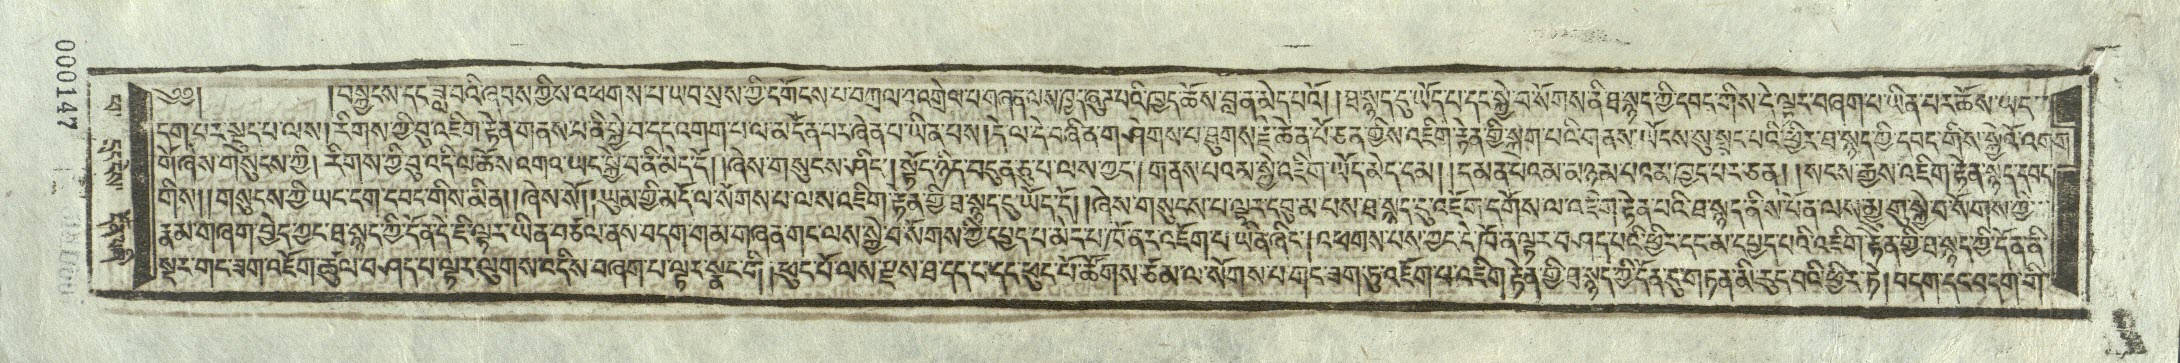༄༅། །བསྐྱངས་དང་ཟླ་བའི་ཞབས་ཀྱིས་འཕགས་པ་ཡབ་སྲས་ཀྱི་དགོངས་པ་བཀྲལ་བ་འགྲེལ་པ་གཞན་ལས་ཁྱད་ཞུགས་པའི་ཁྱད་ཆོས་བླ་ན་མེད་པའོ། །ཐ་སྙད་དུ་ཡོད་པ་དང་སྐྱེ་བ་སོགས་ནི་ཐ་སྙད་ཀྱི་དབང་གིས་དེ་ལྟར་བཞག་པ་ཡིན་པར་ཆོས་ཡང་
དག་པར་སྐུད་པ་ལས། རིགས་ཀྱི་བུ་འཇིག་རྟེན་གནས་པ་ནི་སྐྱེ་བ་དང་འགག་པ་ལ་མངོན་པར་ཞེན་པ་ཡིན་པས། དེ་ལ་དེ་བཞིན་གཤེགས་པ་ཐུགས་རྗེ་ཆེན་པོ་ཅན་གྱིས་འཇིག་རྟེན་གྱི་སྐྲག་པའི་གནས་ཡོངས་སུ་སྤང་བའི་ཕྱིར་ཐ་སྙད་ཀྱི་དབང་གིས་སྐྱེའོ་འགག་
གོ་ཞེས་གསུངས་ཀྱི། རིགས་ཀྱི་བུ་འདི་ལ་ཆོས་འགའ་ཡང་སྐྱེ་བ་ནི་མེད་དོ། །ཞེས་གསུངས་ཤིང་། སྟོང་ཉིད་བདུན་ཅུ་པ་ལས་ཀྱང་། གནས་པའམ་སྐྱེ་འཇིག་ཡོད་མེད་དམ། །དམན་པའམ་མཉམ་པའམ་ཁྱད་པར་ཅན། །སངས་རྒྱས་འཇིག་རྟེན་སྙད་དབང་
གིས། །གསུངས་ཀྱི་ཡང་དག་དབང་གིས་མིན། །ཞེས་སོ། །ཡུམ་གྱི་མདོ་ལ་སོགས་པ་ལས་འཇིག་རྟེན་གྱི་ཐ་སྙད་དུ་ཡོད་དོ། །ཞེས་གསུངས་པ་ལྟར་དབུ་མ་པས་ཐ་སྙད་དུ་འཇོག་དགོས་ལ་འཇིག་རྟེན་པའི་ཐ་སྙད་ནི་ས་བོན་ལས་མྱུ་གུ་སྐྱེ་བ་སོགས་ཀྱི་
རྣམ་གཞག་བྱད་ཀྱང་ཐ་སྙད་ཀྱི་དོན་དེ་ཇི་ལྟར་ཡིན་བཙལ་ནས་བདག་གམ་གཞན་གང་ལས་སྐྱེ་བ་སོགས་ཀྱི་དཔྱད་པ་མེད་པ་ཁོ་ནར་འཇོག་པ་ཡིན་ཞིང་། འཕགས་པས་ཀྱང་ད་ཁོ་ན་ལྟར་བཤད་པའི་ཕྱིར་དང་མ་དཔྱད་པའི་འཇིག་རྟེན་གྱི་ཐ་སྙད་ཀྱི་དོན་ནི་
སྔར་གང་ཟག་འཇོག་ཚུལ་བཤད་པ་ལྟར་ལུགས་འདིས་བཞག་པ་ལྟར་སྣང་གི། ཕུང་པོ་ལས་རྫས་ཐ་དད་པ་དང་ཕུང་པོ་ཚོགས་ཙམ་ལ་སོགས་པ་གང་ཟག་ཏུ་འཇོག་པ་འཇིག་རྟེན་གྱི་ཐ་སྙད་ཀྱི་དོན་དུ་གཏན་མི་རུང་བའི་ཕྱིར་ཏེ། བདག་དང་བདག་གི་